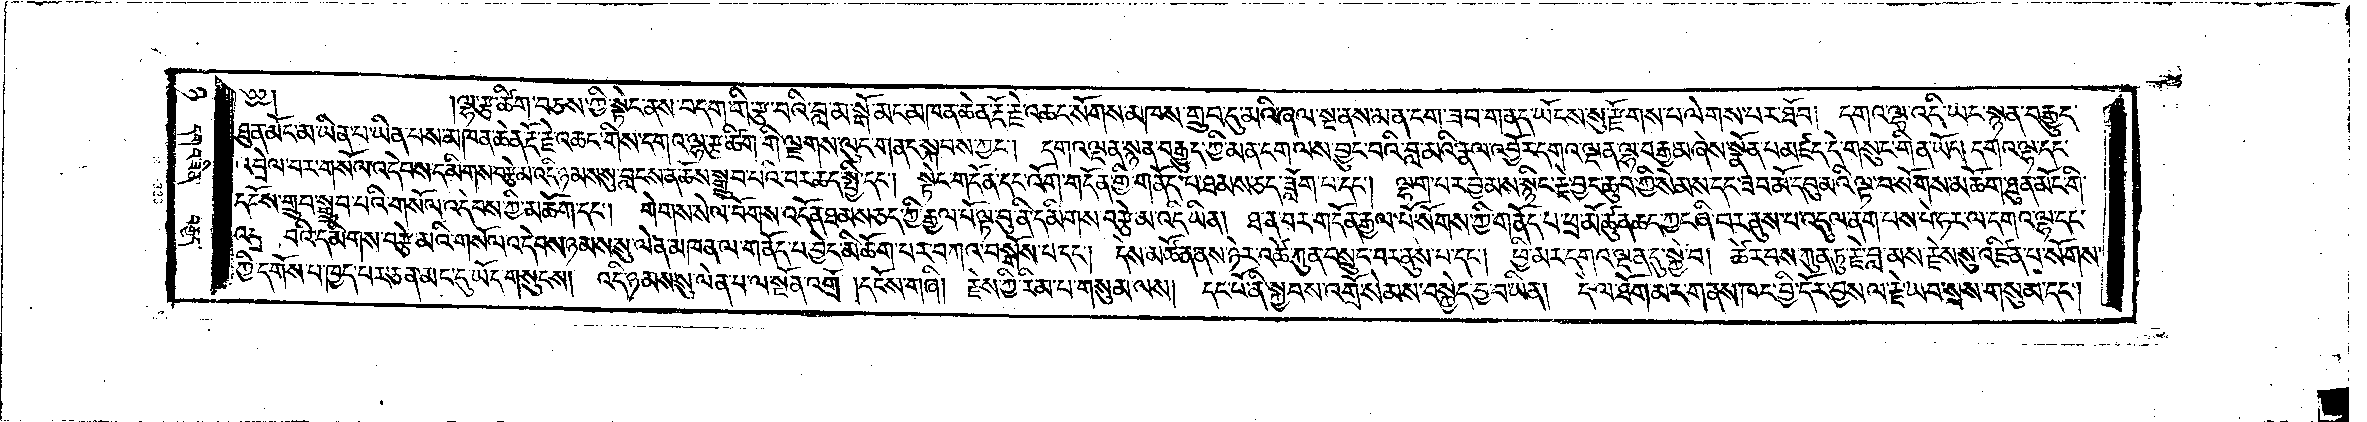༄༅། །ལྷ་རྩ་ཚིག་བཅས་ཀྱི་སྟེང་ནས་བདག་གི་རྩ་བའི་བླ་མ་སྒོ་མང་མཁན་ཆེན་རྡོ་རྗེ་འཆང་སོགས་མཁས་གྲུབ་དུ་མའི་ཞལ་སྔ་ནས་མན་ངག་ཟབ་གནད་ཡོངས་སུ་རྫོགས་པ་ལེགས་པར་ཐོབ། དགའ་ལྷ་འདི་ཡང་སྙན་བརྒྱུད་
ཐུན་མོང་མ་ཡིན་པ་ཡིན་པས་མཁན་ཆེན་རྡོ་རྗེ་འཆང་གིས་དགའ་ལྷ་རྩ་ཚིག་གི་ལྗགས་ལུང་གནང་སྐབས་ཀྱང་། དགའ་ལྡན་སྙན་བརྒྱུད་ཀྱི་མན་ངག་ལས་བྱུང་བའི་བླ་མའི་རྣལ་འབྱོར་དགའ་ལྡན་ལྷ་བརྒྱ་མ་ཞེས་སྣོན་པ་མཛད་དེ་གསུང་གིན་ཡོད། དགའ་ལྷ་དང་
འབྲེལ་བར་གསོལ་འདེབས་དམིགས་བརྩེ་མ་འདི་ཉམས་སུ་བླངས་ན་ཆོས་སྒྲུབ་པའི་བར་ཆད་སྤྱི་དང་། སྟེང་གདོན་དང་འོག་གདོན་གྱི་གནོད་པ་ཐམས་ཅད་ཟློག་པ་དང་། ལྷག་པར་བྱམས་སྙིང་རྗེ་བྱང་ཆུབ་ཀྱི་སེམས་དང་ཟབ་མོ་དབུ་མའི་ལྟ་བ་སོགས་མཆོག་ཐུན་མོང་གི་
དངོས་གྲུབ་སྒྲུབ་པའི་གསོལ་འདེབས་ཀྱི་མཆོག་དང་། གེགས་སེལ་བོགས་འདོན་ཐམས་ཅད་ཀྱི་རྒྱལ་པོ་ལྟ་བུ་ནི་དམིགས་བརྩེ་མ་འདི་ཡིན། ཐ་ན་བར་གདོན་རྒྱལ་པོ་སོགས་ཀྱི་གནོད་པ་ཕྲ་མོ་ཚུན་ཆད་ཀྱང་ཞི་བར་ནུས་པ་འདུལ་ནག་པས་པེ་ཧར་ལ་དགའ་ལྷ་དང་
འབྲེལ་བའི་དམིགས་བརྩེ་མའི་གསོལ་འདེབས་ཉམས་སུ་ལེན་མཁན་ལ་གནོད་པ་བྱེད་མི་ཆོག་པར་བཀའ་བསྒོས་པ་དང་། དེས་མཚོན་ནས་ཉེར་འཚེ་ཀུན་བསྲུང་བར་ནུས་པ་དང་། ཕྱི་མར་དགའ་ལྡན་དུ་སྐྱེ་བ་ཚེ་རབས་ཀུན་ཏུ་རྗེ་བླ་མས་རྗེས་སུ་འཛིན་པ་སོགས་
ཀྱི་དགོས་པ་ཁྱད་པར་ཅན་མང་དུ་ཡོད་གསུངས། འདི་ཉམས་སུ་ལེན་པ་ལ་སྔོན་འགྲོ་།དངོས་གཞི། རྗེས་ཀྱི་རིམ་པ་གསུམ་ལས། དང་པོ་ནི་སྐྱབས་འགྲོ་སེམས་བསྐྱེད་བྱ་བ་ཡིན། དེ་ལ་ཐོག་མར་གནས་ཁང་བྱི་དོར་བྱས་ལ་རྗེ་ཡབ་སྲས་གསུམ་དང་།